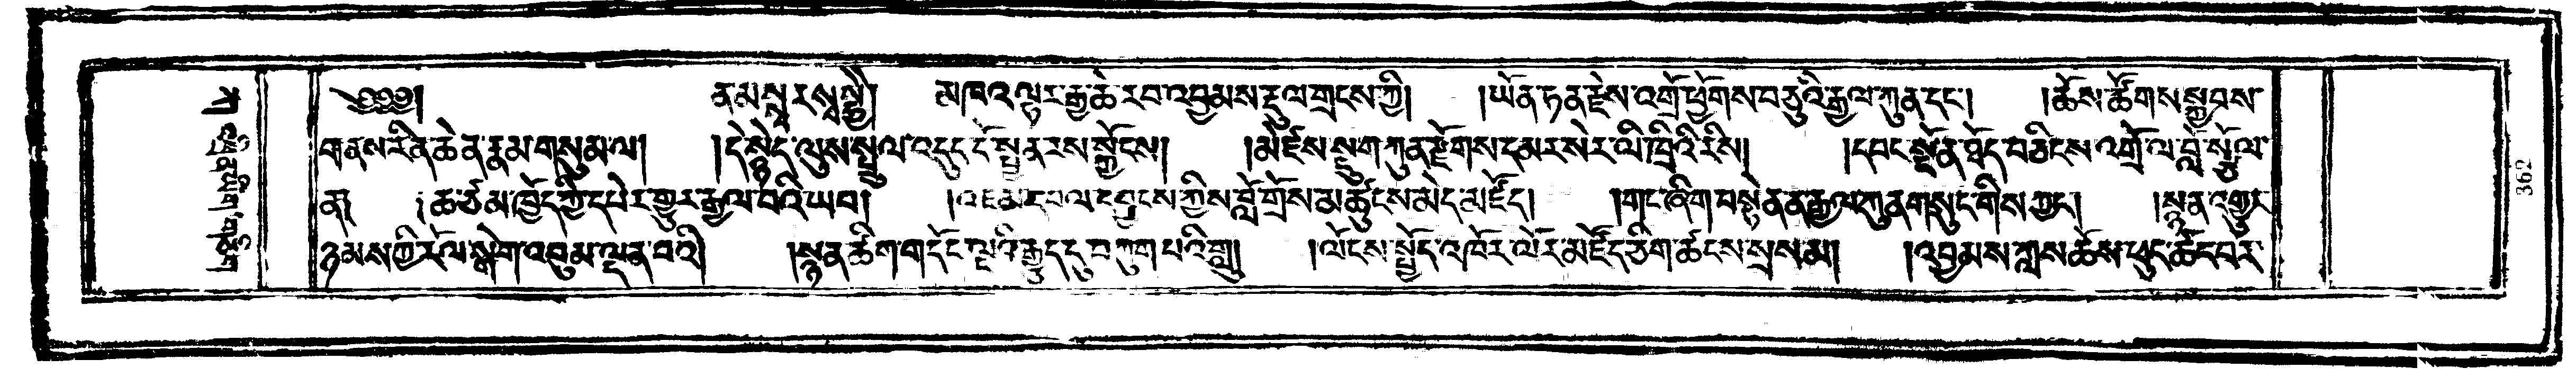༄༅༅། །ན་མ་སྶྡཱ་ར་སྭ་ཤྱཻ། མཁའ་ལྟར་རྒྱ་ཆེ་རབ་འབྱམས་རྡུལ་གྲངས་ཀྱི། །ཡོན་ཏན་རྗེས་འགྲོ་ཕྱོགས་བཅུའི་རྒྱལ་ཀུན་དང་། །ཆོས་ཚོགས་སྐྱབས་
གནས་རིན་ཆེན་རྣམ་གསུམ་ལ། །དེ་སྙེད་ལུས་སྤྲུལ་འདུང་ངོ་སྤྱན་རས་སྐྱོངས། །མཛེས་སྡུག་ཀུན་རྫོགས་དམར་སེར་ལི་ཁྲིའི་རིས། །དབང་སྔོན་ཐོད་བཅིངས་འགྲོ་ལ་བློ་སྩོལ་
ན། །ཆ་ཙམ་ཁྱོད་ཀྱི་དཔེར་གྱུར་རྒྱལ་བའི་ཡབ། །འཇམ་དཔལ་དབྱངས་ཀྱིས་བློ་གྲོས་མཚུངས་མེད་མཛོད། །གང་ཞིག་བསྟེན་ན་རྒྱལ་ཀུན་གསུང་གིས་ཀྱང་། །སྙན་འགྱུར་
ཉམས་ཀྱི་རོལ་སྒེག་འབུམ་ལྡན་པའི། །སྙན་ཚིག་གདོང་ལྔའི་རྒྱུད་དུ་བཀུག་པའི་གླུ། །ལོངས་སྤྱོད་འཁོར་ལོར་མཛོད་ཅིག་ཚངས་སྲས་མ། །འབྱམས་ཀླས་ཆོས་ཕུང་ཚང་བར་